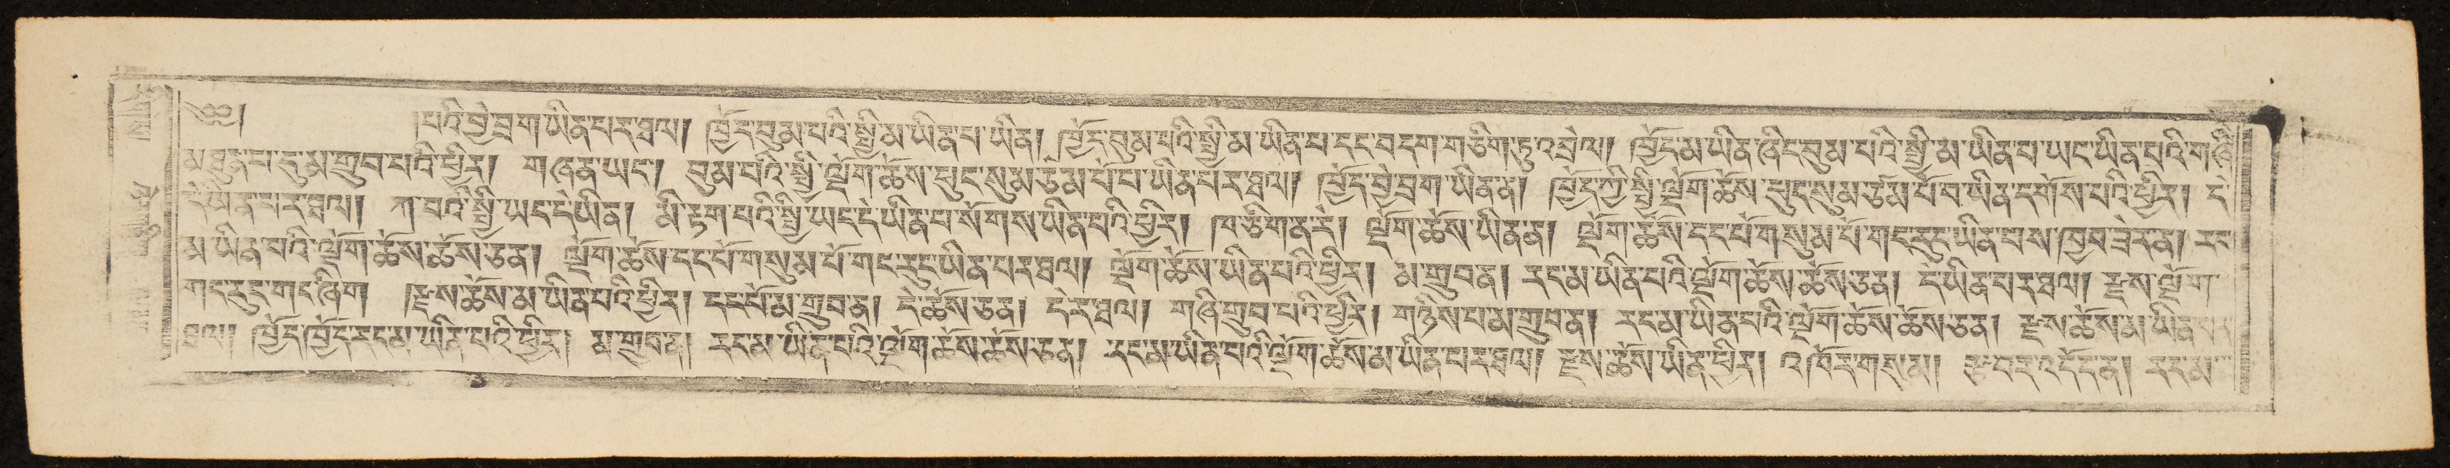༄༅། །པའི་བྱེ་བྲག་ཡིན་པར་ཐལ། ཁྱོད་བུམ་པའི་སྤྱི་མ་ཡིན་པ་ཡིན། ཁྱོད་བུམ་པའི་སྤྱི་མ་ཡིན་པ་དང་བདག་གཅིག་ཏུ་འབྲེལ། ཁྱོད་མ་ཡིན་ཞིང་བུམ་པའི་སྤྱི་མ་ཡིན་པ་ཡང་ཡིན་པའི་གཞི་
མཐུན་པ་དུ་མ་གྲུབ་པའི་ཕྱིར། གཞན་ཡང་། བུམ་པའི་སྤྱི་ལྡོག་ཆོས་ཕུང་སུམ་ཙམ་པོ་པ་ཡིན་པར་ཐལ། ཁྱོད་བྱེ་བྲག་ཡིན་ན། ཁྱོད་ཀྱི་སྤྱི་ལྡོག་ཆོས་ཕུང་སུམ་ཙམ་པོ་བ་ཡིན་དགོས་པའི་ཕྱིར། དེ་
དེ་ཡིན་པར་ཐལ། ཀ་བའི་སྤྱི་ཡང་དེ་ཡིན། མི་རྟག་པའི་སྤྱི་ཡང་དེ་ཡིན་པ་སོགས་ཡིན་པའི་ཕྱིར། ཁ་ཅིག་ན་རེ། ལྡོག་ཆོས་ཡིན་ན། ལྡོག་ཆོས་དང་པོ་གསུམ་པོ་གང་རུང་ཡིན་པས་ཁྱབ་ཟེར་ན། རང་
མ་ཡིན་པའི་ལྡོག་ཆོས་ཆོས་ཅན། ལྡོག་ཆོས་དང་པོ་གསུམ་པོ་གང་རུང་ཡིན་པར་ཐལ། ལྡོག་ཆོས་ཡིན་པའི་ཕྱིར། མ་གྲུབ་ན། རང་མ་ཡིན་པའི་ལྡོག་ཆོས་ཆོས་ཅན། དེ་ཡིན་པར་ཐལ། རྫས་ལྡོག་
གང་རུང་གང་ཞིག །རྫས་ཆོས་མ་ཡིན་པའི་ཕྱིར། དང་པོ་མ་གྲུབ་ན། དེ་ཆོས་ཅན། དེར་ཐལ། གཞི་གྲུབ་པའི་ཕྱིར། གཉིས་པ་མ་གྲུབ་ན། རང་མ་ཡིན་པའི་ལྡོག་ཆོས་ཆོས་ཅན། རྫས་ཆོས་མ་ཡིན་པར་
ཐལ། ཁྱོད་ཁྱོད་རང་མ་ཡིན་པའི་ཕྱིར། མ་གྲུབ་ན། རང་མ་ཡིན་པའི་ལྡོག་ཆོས་ཆོས་ཅན། རང་མ་ཡིན་པའི་ལྡོག་ཆོས་མ་ཡིན་པར་ཐལ། རྫས་ཆོས་ཡིན་པའི་ཕྱིར། འཁོར་གསུམ། རྩ་བར་འདོད་ན། རང་མ་